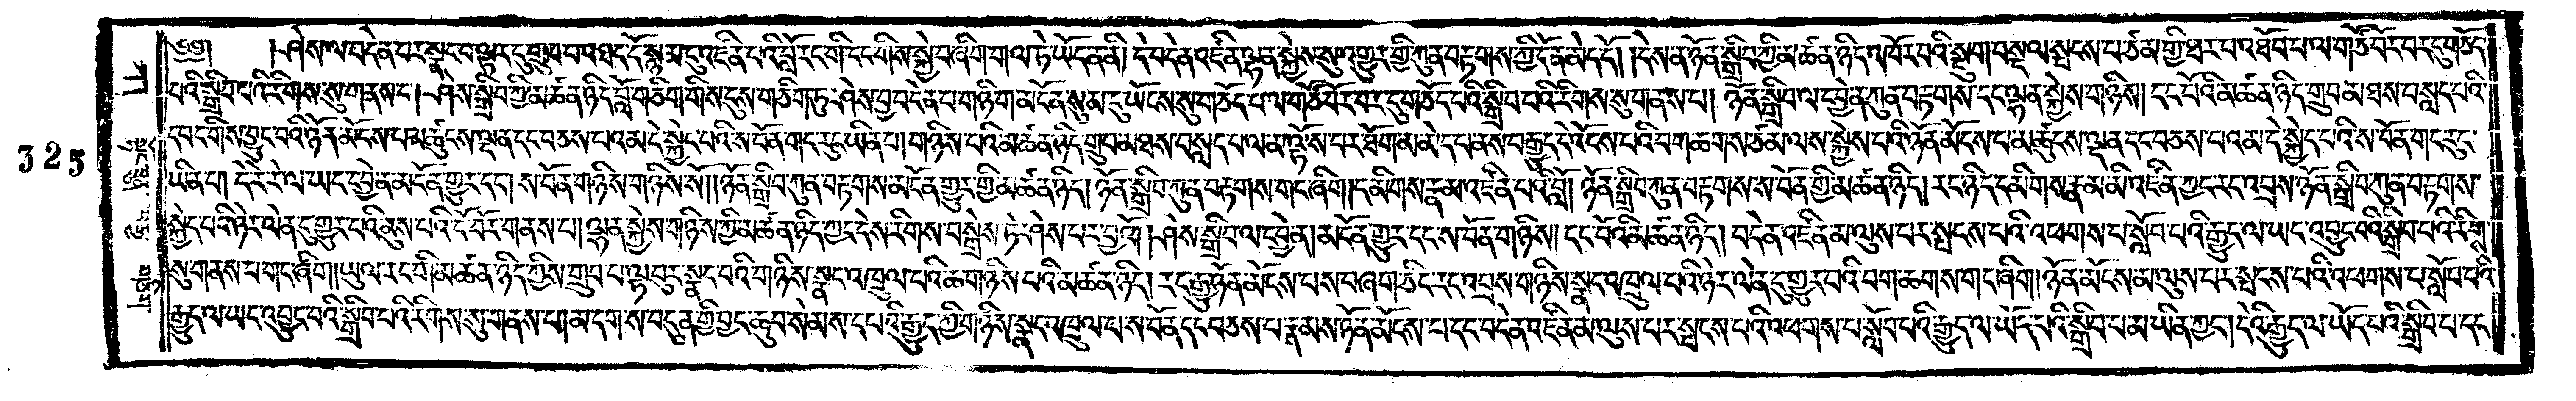༄༅། །ཤེས་ལ་བདེན་བར་སྣང་བ་ལྟར་དུ་གྲུབ་པ་འཐད་དོ་སྙམ་དུ་འཛིན་པའི་བློ་རང་གི་དང་གིས་སྐྱེ་བཞིག་གལ་ཏེ་ཡོད་ན་ནི། དེ་བདེན་འཛིན་ལྷན་སྐྱེས་སུ་འགྱུར་གྱི་ཀུན་བརྟགས་ཀྱི་དོན་མེད་དོ། །དེས་ན་ཉོན་སྒྲིབ་ཀྱི་མཚན་ཉིད་འཁོར་བའི་སྡུག་བསྔལ་སྤངས་པ་ཙམ་གྱི་ཐར་བ་འཐོབ་པ་ལ་གཙོ་བོར་བར་དུ་གཅོད་
པའི་སྒྲིབ་པའི་རིགས་སུ་གནས་པ། ཤེས་སྒྲིབ་ཀྱི་མཚན་ཉིད་བློ་གཅིག་གིས་དུས་གཅིག་ཏུ་ཤེས་བྱ་བདེན་པ་གཉི་ག་མངོན་སུམ་དུ་ཡོངས་སུ་གཅོད་པ་ལ་གཙོ་བོར་བར་དུ་གཅོད་པའི་སྒྲིབ་པའི་རིགས་སུ་གནས་པ། ཉོན་སྒྲིབ་ལ་དབྱེ་ན་ཀུན་བརྟགས་དང་ལྷན་སྐྱེས་གཉིས། དང་པོའི་མཚན་ཉིད་གྲུབ་མཐས་བསླད་པའི་
དབང་གིས་བྱུང་བའི་ཉོན་མོངས་པ་མཚུངས་ལྡན་དང་བཅས་པའམ་དེ་སྐྱེད་པའི་ས་བོན་གང་རུང་ཡིན་པ། གཉིས་པའི་མཚན་ཉིད་གྲུབ་མཐས་བསླད་པ་ལ་མ་ལྟོས་པར་ཐོག་མ་མེད་པ་ནས་བརྒྱུད་དེ་འོངས་པའི་བག་ཆགས་ཙམ་ལས་སྐྱེས་པའི་ཉོན་མོངས་པ་མཚུངས་ལྡན་དང་བཅས་པའམ་དེ་སྐྱེད་པའི་ས་བོན་གང་རུང་
ཡིན་པ། དེ་རེ་རེ་ལ་ཡང་དབྱེ་ན་མངོན་གྱུར་དང་། ས་བོན་གཉིས་གཉིས་སོ། །ཉོན་སྒྲིབ་ཀུན་བརྟགས་མངོན་གྱུར་གྱི་མཚན་ཉིད། ཉོན་སྒྲིབ་ཀུན་བརྟགས་གང་ཞིག། དམིགས་རྣམ་འཛིན་པའི་བློ། ཉོན་སྒྲིབ་ཀུན་བརྟགས་ས་བོན་གྱི་མཚན་ཉིད། རང་ཉིད་དམིགས་རྣམ་མི་འཛིན་ཀྱང་རང་འབྲས་ཉོན་སྒྲིབ་ཀུན་བརྟགས་
སྐྱེད་པའི་ཉེར་ལེན་དུ་གྱུར་པའི་ནུས་པའི་ངོ་བོར་གནས་པ། ལྷན་སྐྱེས་གཉིས་ཀྱི་མཚན་ཉིད་ཀྱང་དེས་རིགས་བསྒྲེས་ཏེ་ཤེས་པར་བྱའོ། །ཤེས་སྒྲིབ་ལ་དབྱེན། མངོན་གྱུར་དང་ས་བོན་གཉིས། དང་བོའི་མཚན་ཉིད། བདེན་འཛིན་མ་ལུས་པར་སྤངས་པའི་འཕགས་པ་སློབ་པའི་རྒྱུད་ལ་ཡང་འབྱུང་བའི་སྒྲིབ་པའི་རིགས་
སུ་གནས་པ་གང་ཞིག། ཡུལ་རང་གི་མཚན་ཉིད་ཀྱིས་གྲུབ་པ་ལྟ་བུར་སྣང་བའི་གཉིས་སྣང་འཁྲུལ་པའི་ཆ་གཉིས་པའི་མཚན་ཉིད། རང་རྒྱུ་ཉོན་མོངས་པས་བཞག་ཅིང་རང་འབྲས་གཉིས་སྣང་འཁྲུལ་བའི་ཉེར་ལེན་དུ་གྱུར་པའི་བག་ཆགས་གང་ཞིག། ཉོན་མོངས་མ་ལུས་པར་སྤངས་པའི་འཕགས་པ་སློབ་པའི་
རྒྱུད་ལ་ཡང་འབྱུང་བའི་སྒྲིབ་པའི་རིགས་སུ་གནས་པ། མ་དག་ས་བདུན་གྱི་བྱང་ཆུབ་སེམས་དཔའི་རྒྱུད་ཀྱི་གཉིས་སྣང་འཁྲུལ་པ་ས་བོན་དང་བཅས་པ་རྣམས་ཉོན་མོངས་པ་དང་བདེན་འཛིན་མ་ལུས་པར་སྤངས་པའི་འཕགས་པ་སློབ་པའི་རྒྱུད་ལ་ཡོད་པའི་སྒྲིབ་པ་མ་ཡིན་ཀྱང་། དེའི་རྒྱུད་ལ་ཡོད་པའི་སྒྲིབ་པ་དང་